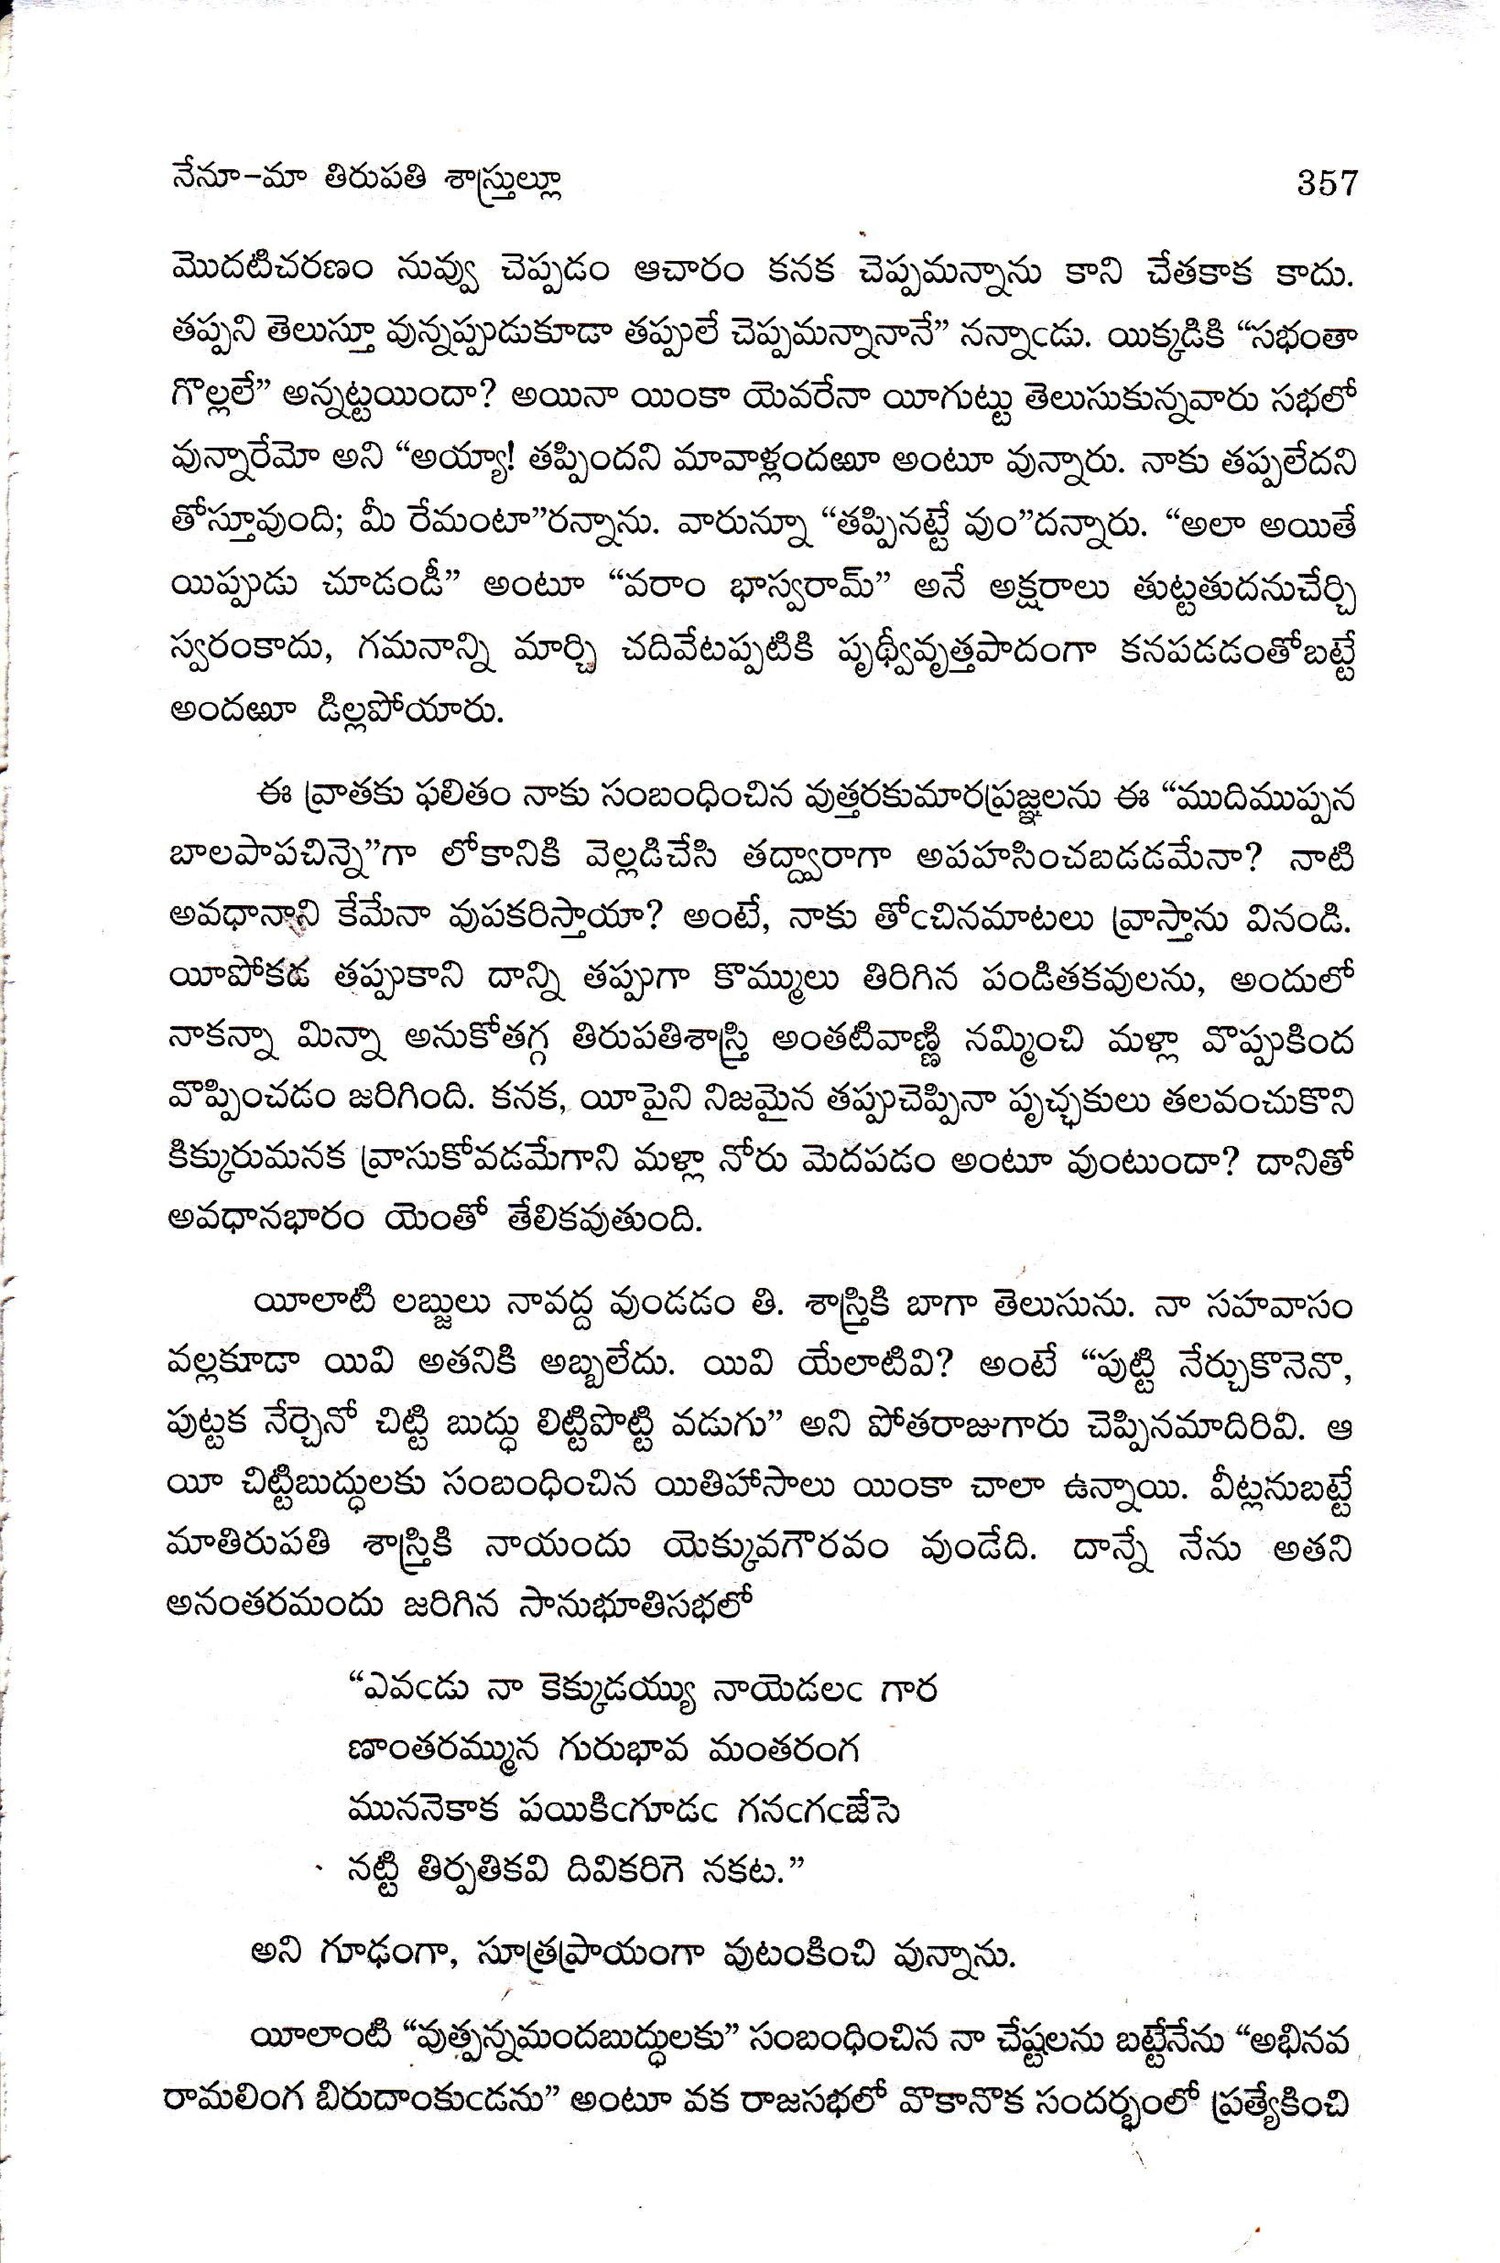మొదటిచరణం నువ్వు చెప్పడం ఆచారం కనక చెప్పమన్నాను కాని చేతకాక కాదు. తప్పని తెలుస్తూ వున్నప్పుడుకూడా తప్పులే చెప్పమన్నానానే" నన్నాఁడు. యిక్కడికి “సభంతా గొల్లలే” అన్నట్టయిందా? అయినా యింకా యెవరేనా యీగుట్టు తెలుసుకున్నవారు సభలో వున్నారేమో అని "అయ్యా! తప్పిందని మావాళ్లందఱూ అంటూ వున్నారు. నాకు తప్పలేదని తోస్తూవుంది; మీ రేమంటా"రన్నాను. వారున్నూ "తప్పినట్టే వుం"దన్నారు. “అలా అయితే యిప్పడు చూడండీ” అంటూ “వరాం భాస్వరామ్" అనే అక్షరాలు తుట్టతుదనుచేర్చి స్వరంకాదు, గమనాన్ని మార్చి చదివేటప్పటికి పృథ్వీవృత్తపాదంగా కనపడడంతోబట్టే అందఱూ డిల్లపోయారు.

ఈ వ్రాతకు ఫలితం నాకు సంబంధించిన వుత్తరకుమారప్రజ్ఞలను ఈ “ముదిముప్పన బాలపాపచిన్నె"గా లోకానికి వెల్లడిచేసి తద్ద్వారాగా అపహసించబడడమేనా? నాటి అవధానాని కేమేనా వుపకరిస్తాయా? అంటే, నాకు తోcచినమాటలు వ్రాస్తాను వినండి. యీపోకడ తప్పుకాని దాన్ని తప్పుగా కొమ్ములు తిరిగిన పండితకవులను, అందులో నాకన్నా మిన్నా అనుకోతగ్గ తిరుపతిశాస్త్రి అంతటివాణ్ణి నమ్మించి మళ్లా వొప్పుకింద వొప్పించడం జరిగింది. కనక, యీపైని నిజమైన తప్పుచెప్పినా పృచ్ఛకులు తలవంచుకొని కిక్కురుమనక వ్రాసుకోవడమేగాని మళ్లా నోరు మెదపడం అంటూ వుంటుందా? దానితో అవధానభారం యెంతో తేలికవుతుంది.

యీలాటి లబ్జులు నావద్ద వుండడం తి. శాస్త్రికి బాగా తెలుసును. నా సహవాసం వల్లకూడా యివి అతనికి అబ్బలేదు. యివి యేలాటివి? అంటే "పుట్టి నేర్చుకొనెనొ, పుట్టక నేర్చెనో చిట్టి బుద్దు లిట్టిపొట్టి వడుగు" అని పోతరాజుగారు చెప్పినమాదిరివి. ఆ యీ చిట్టిబుద్దులకు సంబంధించిన యితిహాసాలు యింకా చాలా ఉన్నాయి. వీట్లనుబట్టే మాతిరుపతి శాస్త్రికి నాయందు యెక్కువగౌరవం వుండేది. దాన్నే నేను అతని అనంతరమందు జరిగిన సానుభూతిసభలో

“ఎవఁడు నా కెక్కుడయ్యు నాయెడలఁ గార
 ణాంతరమ్మున గురుభావ మంతరంగ
 ముననెకాక పయికిఁగూడఁ గనఁగఁజేసె
 నట్టి తిర్పతికవి దివికరిగె నకట."
అని గూఢంగా, సూత్రప్రాయంగా వుటంకించి వున్నాను.

యీలాంటి “వుత్పన్నమందబుద్దులకు" సంబంధించిన నా చేష్టలను బట్టేనేను “అభినవ రామలింగ బిరుదాంకుఁడను" అంటూ వక రాజసభలో వొకానొక సందర్భంలో ప్రత్యేకించి